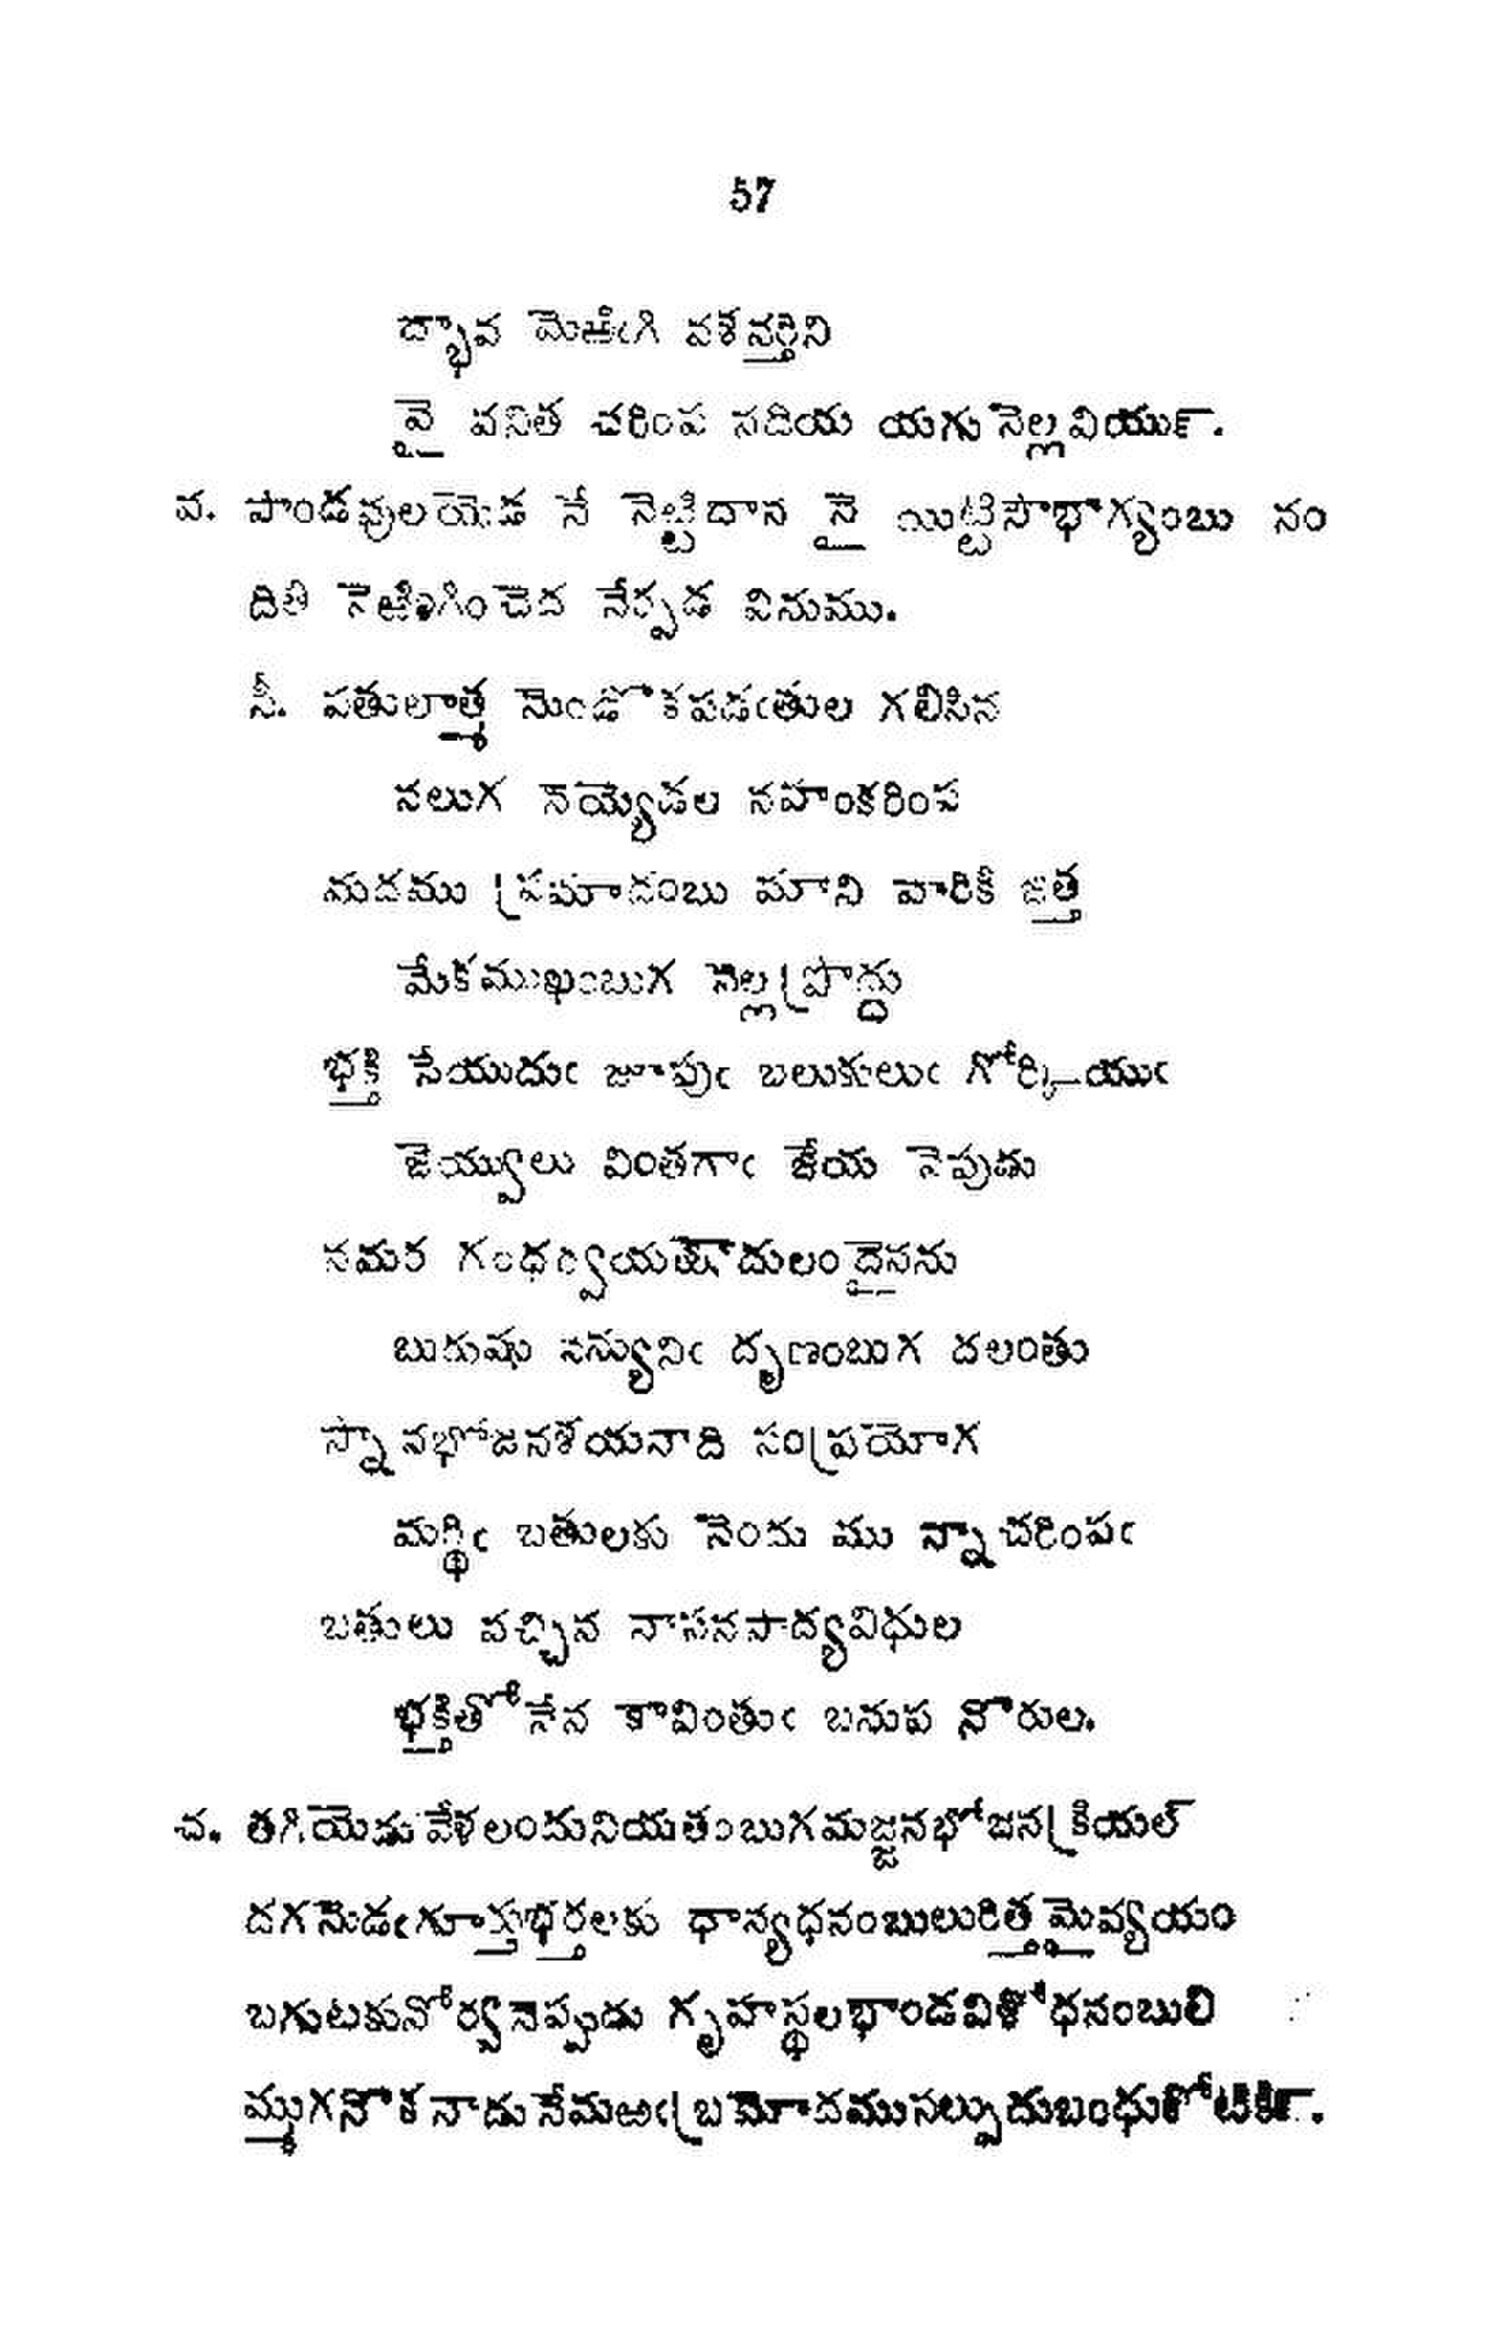ద్భావ మెఱిఁగి వశవర్తిని
 వై వనిత చరింప నదియ యగునెల్లవియున్.
వ. పాండవులయెడ నే నెట్టిదాన నై యిట్టిసౌభాగ్యంబు నందితి నెఱింగించెద నేర్పడ వినుము.

సీ. పతులాత్మ నొండొకపడతుల గలిసిన
 నలుగ నెయ్యెడల నహంకరింప
 మదము ప్రమాదంబు మాని వారికి జిత్త
 మేకముఖంబుగ నెల్లప్రొద్దు
 భక్తి సేయుదుఁ జూపుఁ బలుకులుఁ గోర్కియుఁ
 జెయ్వులు వింతగాఁ జేయ నెపుడు
 నమర గంధర్వయక్షాదులందైనను
 బురుషు నన్యునిఁ దృణంబుగ దలంతు
 స్నానభోజనశయనాది సంప్రయోగ
 మర్థిఁ బతులకు నెందు ము న్నాచరింపఁ
 బతులు వచ్చిన నాసనపాద్యవిధుల
 భక్తితోనేన కావింతుఁ బనుప నొరుల.

చ. తగియెడువేళలందునియతంబుగమజ్జనభోజనక్రియల్
 దగనొడఁగూర్తుభర్తలకు ధాన్యధనంబులురిత్తమైవ్యయం
 బగుటకునోర్వనెప్పుడు గృహస్థలభాండవిశోధనంబులి
 మ్ముగనొకనాడు నేమఱఁబ్రమోదముసల్పుదుబంధుకోటికిన్.